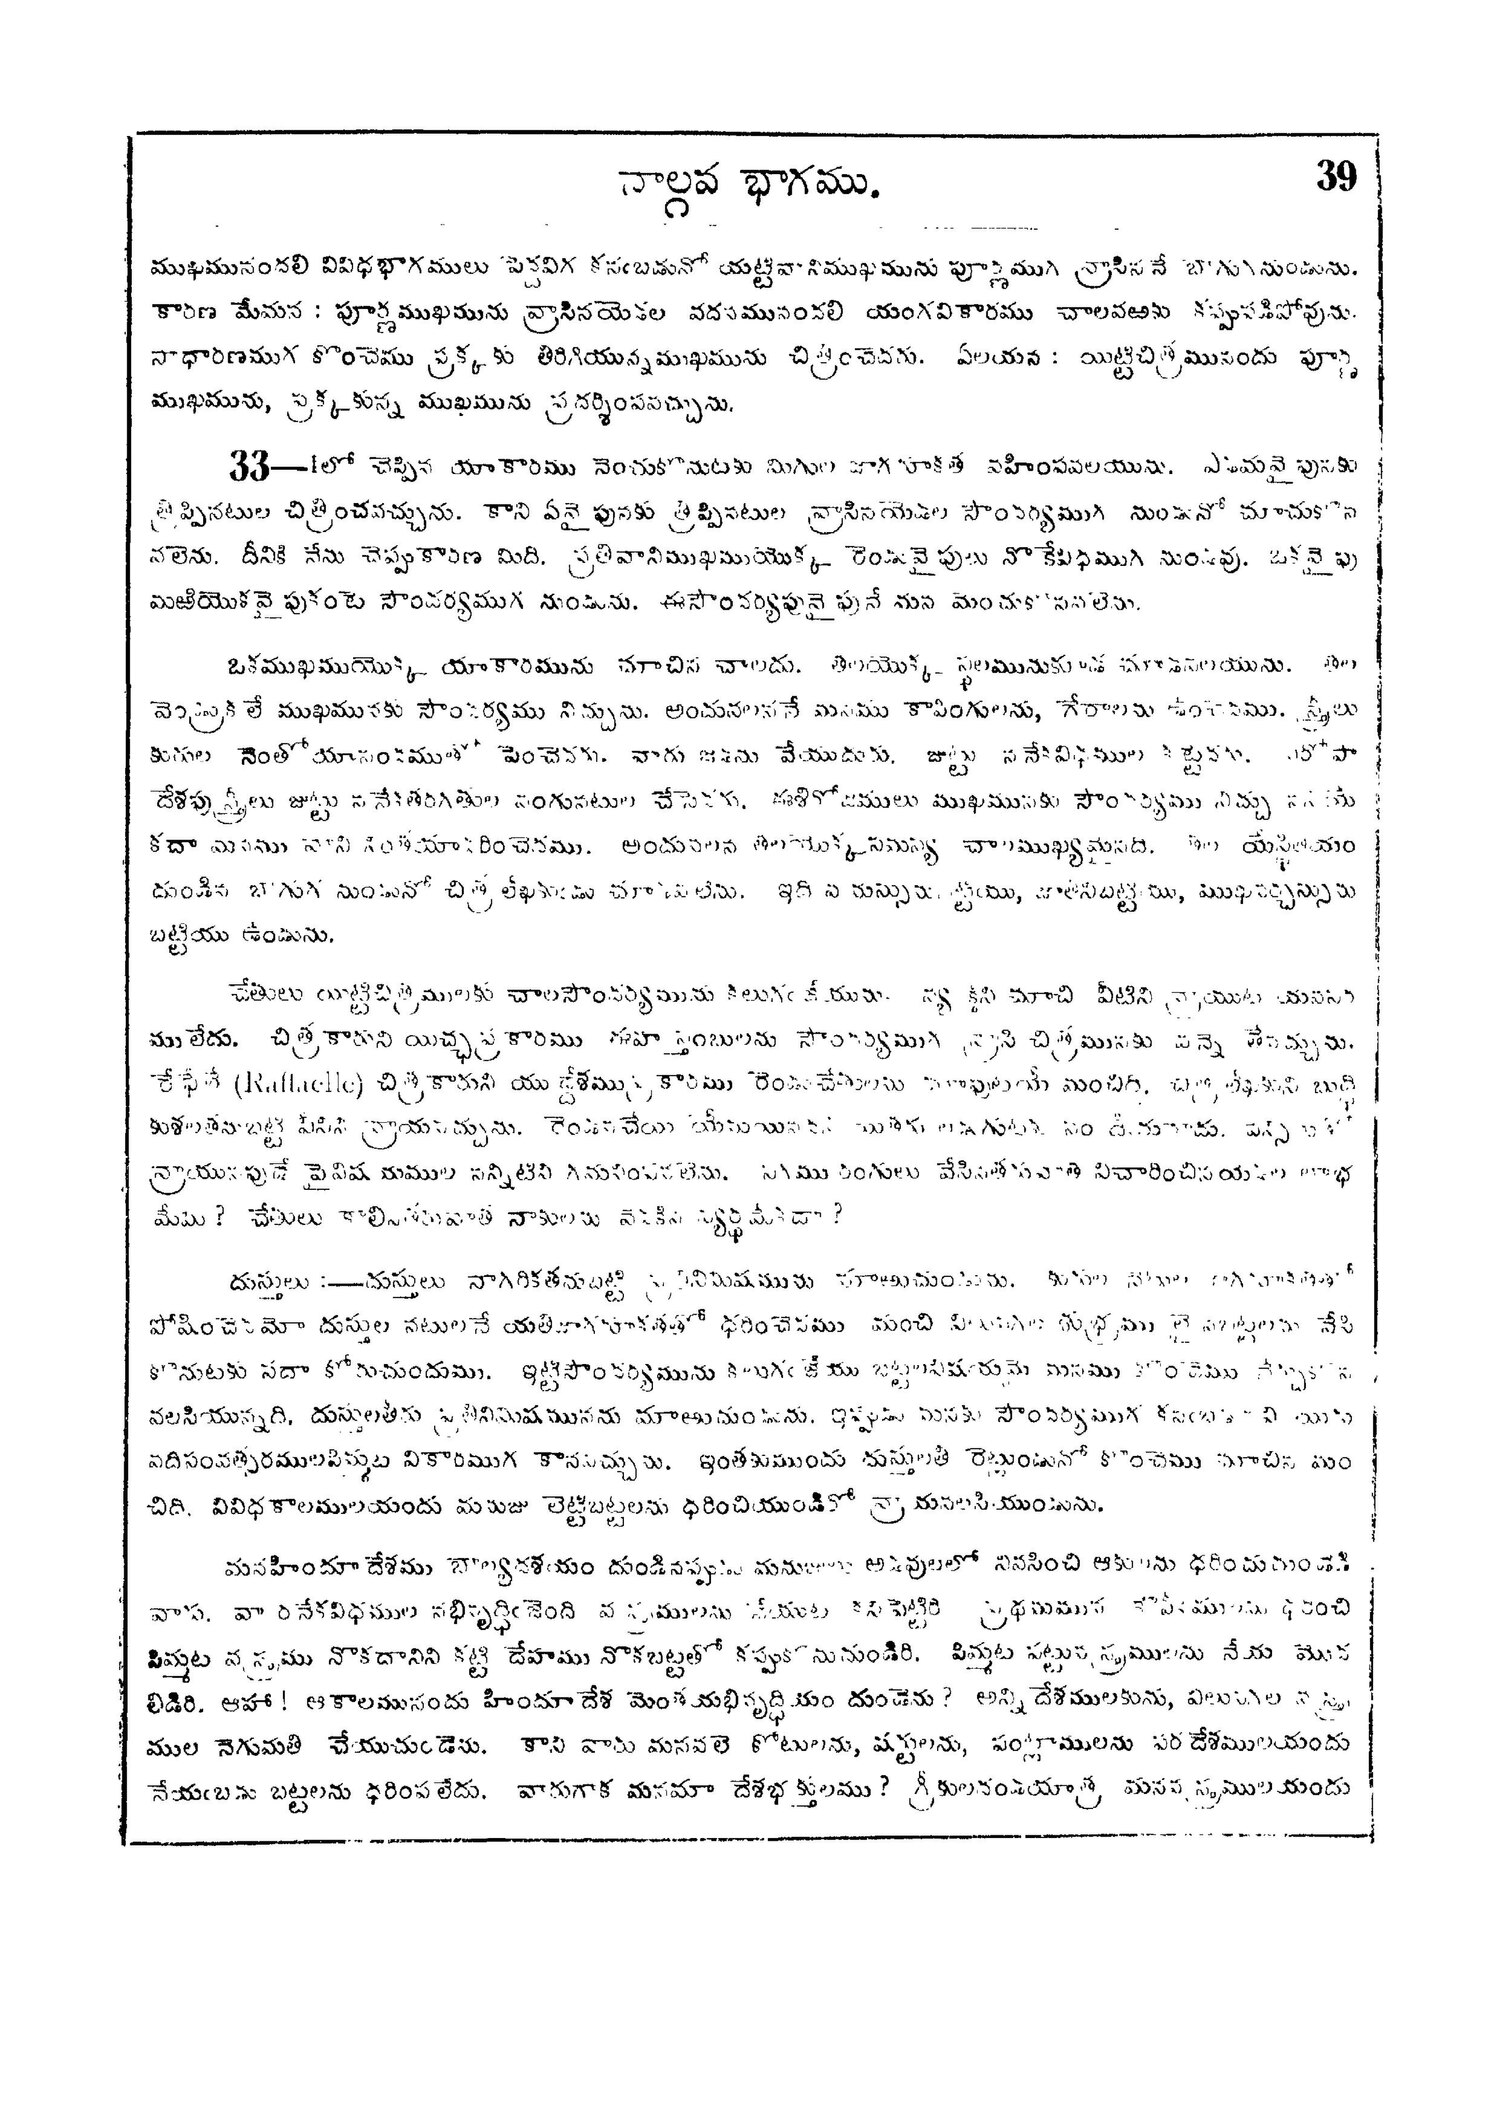ముఖమునందలి వివిధభాగములు పెద్దవిగ కనబడునో యట్టివానిముఖమును పూర్ణముగ వ్రాసిననే బాగుగనుండును. కారణ మేమన: పూర్ణముఖమును వ్రాసినయెడల వదనమునందలి యంగవికారము చాలవఱకు కప్పుపడిపోవును. సాధారణముగ కొంచెము ప్రక్కకు తిరిగియున్నముఖమును చిత్రించెదరు. ఏలయన: యిట్టిచిత్రమునందు పూర్ణముఖమును, ప్రక్కకున్న ముఖమును ప్రదర్శింపవచ్చును.

33- 1లో చెప్పిన యాకారము నెంచుకొనుటకు మిగుల జాగరూకత వహింపవలయును. ఎడమవైపునకు త్రిప్పినటుల చిత్రించవచ్చును. కాని ఏవైపునకు త్రిప్పినటుల వ్రాసినయెడల సౌందర్యముగ నుండునో చూచుకొనవలెను. దీనికి నేను చెప్పుకారణ మిది. ప్రతివాని ముఖముయొక్క రెండువైపుల నొకేవిధముగ నుండవు. ఒకవైపు మఱియొకవైపుకంటె సౌందర్యముగ నుండును. ఈసౌందర్యపువైపునే మన మెంచుకొనవలెను.

ఒకముఖముయొక్క యాకారమును చూచిన చాలదు. తలయొక్క స్థలమునుకూడ చూడవలయును. తల వెండ్రుకలే ముఖమునకు సౌందర్యము నిచ్చును. అందువలననే మనము కాపింగులను, గేరాలను ఉంచెదము. స్త్రీలు కురులు నెంతో యానందముతో పెంచెదరు. వారు జడను వేయుదురు. జుట్టు ననేకవిధముల కట్టెదరు. ఐరోపా దేశపుస్త్రీలు జుట్టు ననేకతరగతుల వంగునటుల చేసెదరు. ఈశిరోజములు ముఖమునకు సౌందర్యము నిచ్చు ననియే కదా మనము వాని నింతయాదరించెదము. అందువలన తలయొక్కసమస్య చాలముఖ్యమైనది. తల యేస్థితియందుండిన బాగుగ నుండునో చిత్రలేఖకుడు చూడవలెను. ఇది వయస్సునుబట్టియు, జాతినిబట్టియు, ముఖవర్చస్సును బట్టియు ఉండును. 

చేతులు యిట్టిచిత్రములకు చాలసౌందర్యమును కలుగజేయును. వ్యక్తిని చూచి వీటిని వ్రాయుట యవసరములేదు. చిత్రకారుని యిచ్ఛప్రకారము ఈహస్తంబులను సౌందర్యముగవ్రాసి చిత్రమునకు వన్నె తేవచ్చును. రేఫేలే (Raflaelle) చిత్రకారుని యుద్దేశము ప్రకారము రెండుచేతులను చూపుటయే మంచిది. చిత్రలేఖకుని బుద్ధికుశలతనుబట్టి వీనిని వ్రాయవచ్చును. రెండవచేయి యేమయినదని యితరులడుగుటకు సందీయరాదు. పెన్సిలుతో వ్రాయునపుడే పైవిషయముల నన్నిటిని గమనింపవలెను. సగమురంగులు వేసినతరువాత విచారించినయెడల లాభమేమి? చేతులు కాలినతరువాత నాకులను వెదకిన వ్యర్థమేకదా?

దుస్తులు:- దుస్తులు నాగరికతనుబట్టి ప్రతినిమిషమును మాఱుచుండును. కురుల నటుల జాగరూకతతో పోషించెదమో దుస్తుల నటులనే యతిజాగరూకతతో ధరించెదము మంచి విలువగల శుభ్రములైనబట్టలను వేసికొనుటకు సదా కోరుచుందుము. ఇట్టిసౌందర్యమును కలుగజేయు బట్టలవిషయమై మనము కొంచెము నేర్చుకొనవలసియున్నది. దుస్తులతీరు ప్రతినిమిషమునను మాఱుచుండును. ఇప్పుడు మనకు సౌందర్యముగ కనబడునవి యిరువది సంవత్సరములపిమ్మట వికారముగ కానవచ్చును. ఇంతకుముందు దుస్తులతీ రెట్లుండునో కొంచెము చూచిన మంచిది. వివిధకాలములయందు మనుజు లెట్టిబట్టలను ధరించియుండిరో వ్రాయవలసియుండును.

మనహిందూడేశము బాల్యదశయం దుండినప్పుడు మనుజులు అడవులలో నివసించి ఆకులను ధరించుచుండెడివారు. వా రనేకవిధముల నభివృద్ధిజెంది వస్త్రములను నేయుట కనిపెట్టిరి. ప్రథమమున కౌపీనములను ధరించి పిమ్మట వస్త్రము నొకదానిని కట్టి దేహము నొకబట్టతో కప్పుకొనుచుండిరి. పిమ్మట పట్టువస్త్రములను నేయ మొదలిడిరి. ఆహా! ఆకాలమునందు హిందూదేశ మెంతయభివృద్ధియం దుండెను? అన్నిదేశములకును, విలువగల వస్త్రముల నెగుమతి చేయుచుండెను. కాని వారు మనవలె కోటులను, షర్టులను, పంట్లాములను పరదేశములయందు నేయబడు బట్టలను ధరింపలేదు. వారుగాక మనమా దేశభక్తులము? గ్రీకులదండయాత్ర మనవస్త్రములయందు